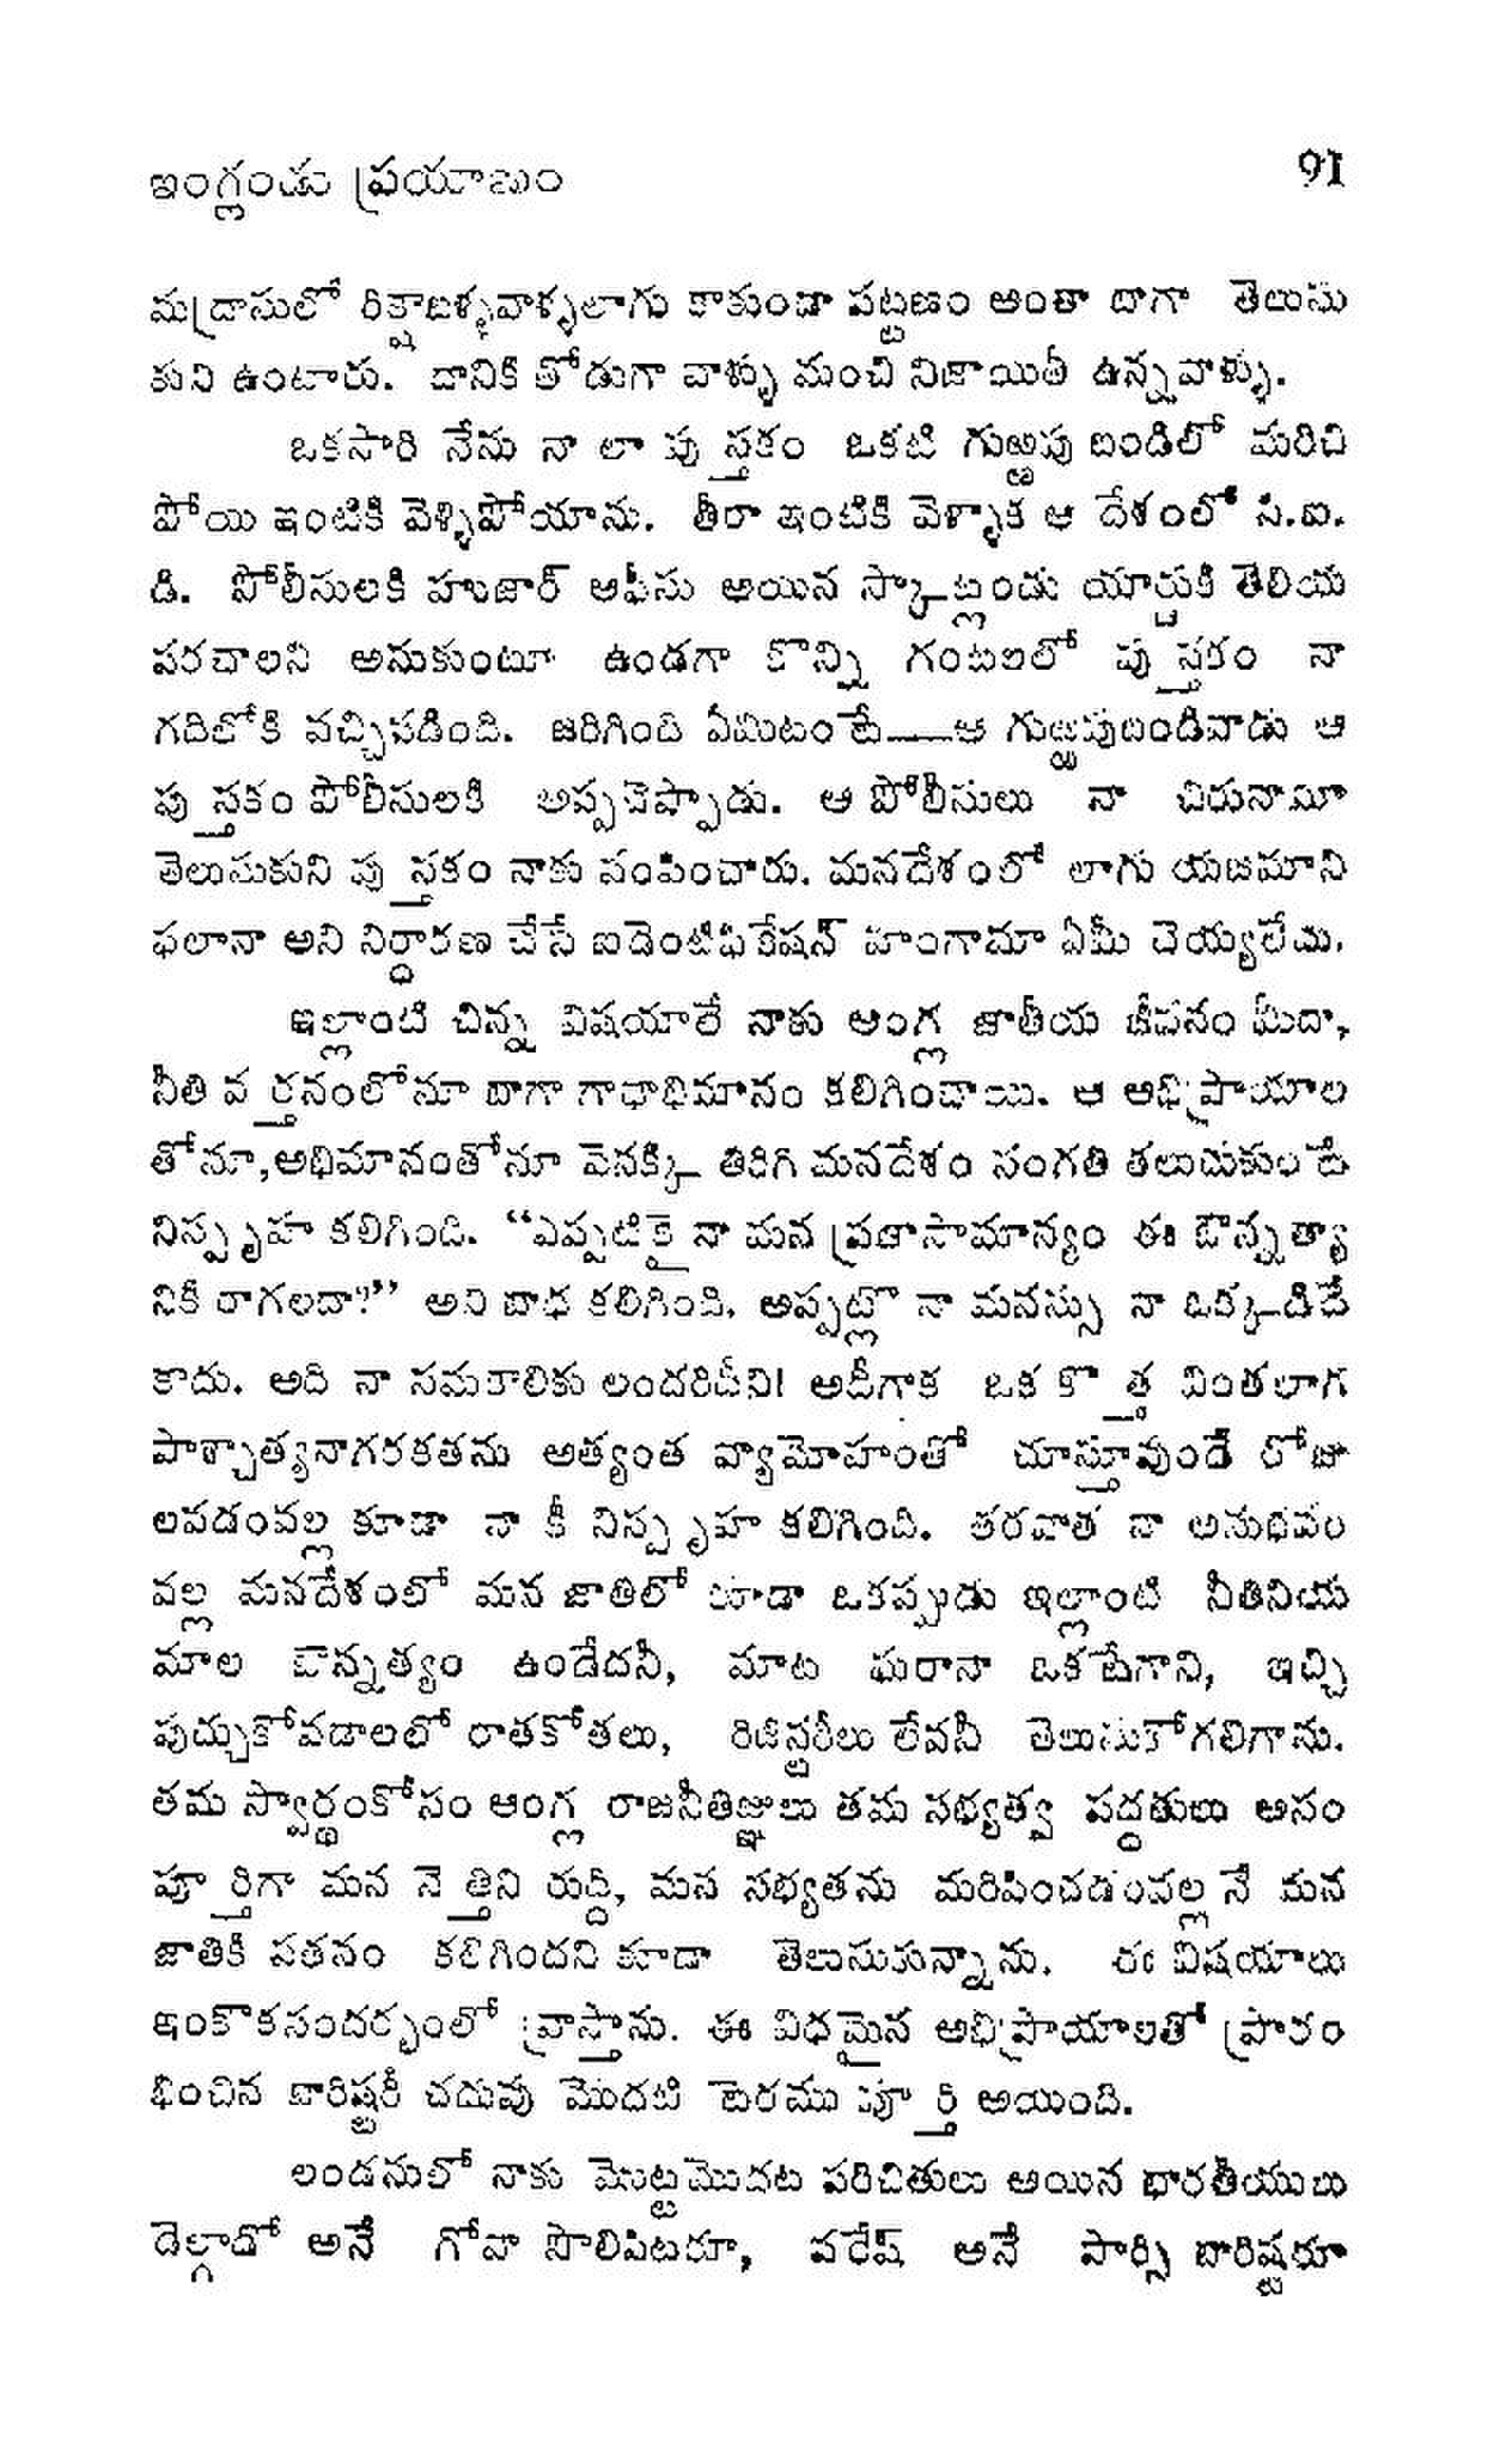మద్రాసులో రిక్షాబళ్ళవాళ్ళలాగు కాకుండా పట్టణం అంతా బాగా తెలుసుకుని ఉంటారు. దానికి తోడుగా వాళ్ళు మంచి నిజాయితీ ఉన్నవాళ్ళు.

ఒకసారి నేను నా లా పుస్తకం ఒకటి గుఱ్ఱపు బండిలో మరిచిపోయి ఇంటికి వెళ్ళిపోయాను. తీరా ఇంటికి వెళ్ళాక ఆ దేశంలో సి. ఐ. డి. పోలీసులకి హుజార్ ఆఫీసు అయిన స్కాట్లండు యార్డుకి తెలియపరచాలని అనుకుంటూ ఉండగా కొన్ని గంటలలో పుస్తకం నా గదిలోకి వచ్చిపడింది. జరిగింది ఏమిటంటే - ఆ గుఱ్ఱపుబండివాడు ఆ పుస్తకం పోలీసులకి అప్పచెప్పాడు. ఆ పోలీసులు నా చిరునామా తెలుసుకుని పుస్తకం నాకు పంపించారు. మనదేశంలో లాగు యజమాని ఫలానా అని నిర్దారణ చేసే ఐడెంటిఫికేషన్ హంగామా ఏమీ చెయ్యలేదు.

ఇల్లాంటి చిన్న విషయాలే నాకు ఆంగ్ల జాతీయ జీవనం మీదా, నీతి వర్తనంలోనూ బాగా గాఢాభిమానం కలిగించాయి. ఆ అభిప్రాయలతోనూ, అభిమానంతోనూ వెనక్కి తిరిగి మనదేశం సంగతి తలుచుకుంటే నిస్పృహ కలిగింది. "ఎప్పటికైనా మన ప్ప్రజాసామాన్యం ఈ ఔన్నత్యానికి రాగలదా?" అని బాధ కలిగింది. అప్పట్లో నా మనస్సు నా ఒక్కడిదేకాదు. అది నా సమకాలికు లందరిదీని! అదీగాక ఒక కొత్త వింతలాగ పాశ్చాత్యనాగరకతను అత్యంత వ్యామోహంతో చూస్తూవుండే రోజులవడంవల్ల కూడా నా కీ నిస్పృహ కలిగింది. తరవాత నా అనుభవం వల్ల మనదేశంలో మన జాతిలో కూడా ఒకప్పుడు ఇల్లాంటి నీతినియమాల ఔన్నత్యం ఉండేదనీ, మాట ఘరానా ఒకటేగాని, ఇచ్చి పుచ్చుకోవడాలలో రాతకోతలు, రిజిస్టరీలు లేవనీ తెలుసుకోగలిగాను. తమ స్వార్థంకోసం ఆంగ్ల రాజనీతిజ్ఞులు తమ సభ్యత్వ పద్దతులు అసంపూర్తిగా మన నెత్తిని రుద్ది, మన సభ్యతను మరిపించడంవల్లనే మన జాతికి పతనం కలిగిందని కూడా తెలుసుకున్నాను. ఈ విషయాలు ఇంకొక సందర్బంలో వ్రాస్తాను. ఈ విధమైన అభిప్రాయాలతో ప్రారంభించిన బారిష్టరీ చదువు మొదటి టెరము పూర్తి అయింది.

లండనులో నాకు మొట్టమొదట పరిచితులు అయిన భారతీయులు డెల్గాడో అనే గోవా సొలిసిటరూ, వరేష్ అనే పార్సి బారిష్టరూ